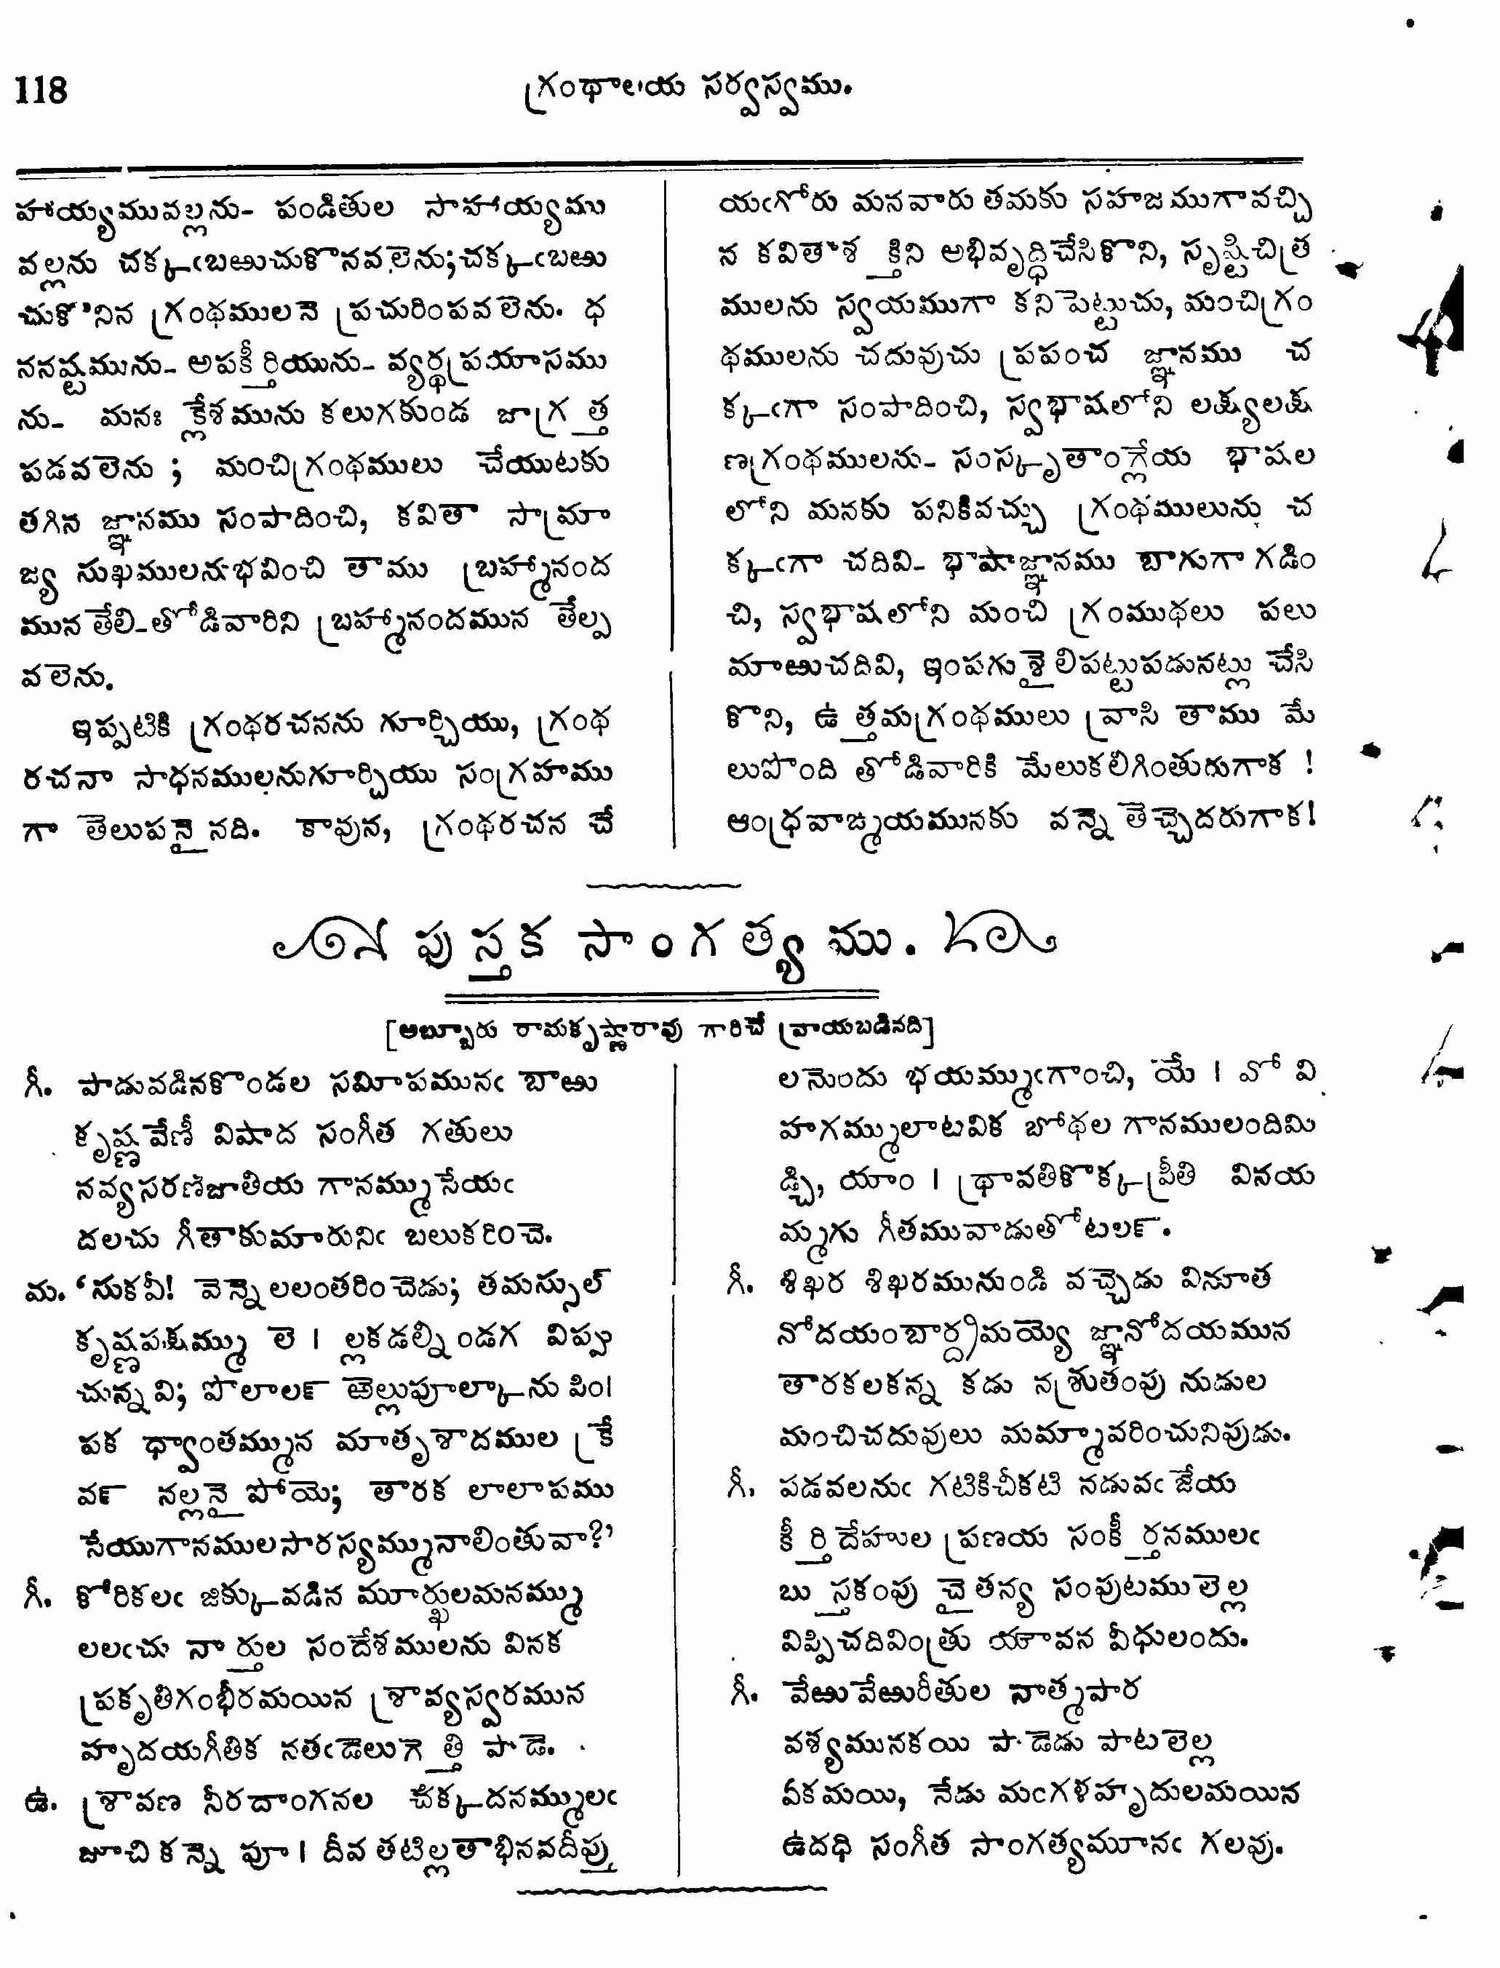హాయ్యమువల్లను - పండితుల సాహాయ్యము
వల్లను చక్కఁబఱుచుకొనవలెను; చక్కఁబఱు
చుకోనిన గ్రంథములనె ప్రచురింపవలెను. ధ
ననష్టమును.. అపకీర్తియును- వ్యర్థప్రయాసము
ను. మనః క్లేశమును కలుగకుండ జాగ్రత్త
పడవలెను; మంచిగ్రంథములు చేయుటకు
తగిన జ్ఞానము సంపాదించి, కవితా సామ్రా
జ్య సుఖములనుభవించి తాము బ్రహ్మానంద
మున తేలి_తోడివారిని బ్రహ్మానందమున తెల్ప
వలెను.
ఇప్పటికి గ్రంథరచనను గూర్చియు, గ్రంథ
రచనా సాధనములనుగూర్చియు సంగ్రహము
గా తెలుపనైనది. కావున, గ్రంథరచన చే
యఁగోరు మనవారు తమకు సహజముగా వచ్చి
న కవితాశక్తిని అభివృద్ధి చేసికొని, సృష్టిచిత్ర
ములను స్వయముగా కనిపెట్టుచు, మంచి గ్రం
థములను చదువుచు ప్రపంచ జ్ఞానము చ
క్కఁగా సంపాదించి, స్వభాషలోని లక్ష్యలక్షు
ణగ్రంథములను - సంస్కృతాంగ్లేయ భాషల
లోని మనకు పనికివచ్చు గ్రంథములును చ
క్కఁగా చదివి. భాషాజ్ఞానము బాగుగా గడిం
చి, స్వభాషలోని మంచి గ్రంముధలు పలు
మాఱుచదివి, ఇంపగుశైలిపట్టుపడునట్లు చేసి
కొని, ఉత్తమగ్రంథములు వ్రాసి తాము మే
లుపొంది తోడివారికి మేలుకలిగింతురుగాక !
ఆంధ్రవాఙ్మయమునకు వన్నె తెచ్చెదరుగాక!

గీ. పాడువడినకొండల సమీపమునఁ బాఱు
కృష్ణవేణీ విషాద సంగీత గతులు
నవ్యసరణిజాతీయ గానమ్ము సేయఁ
దలచు గీతాకుమారునిఁ బలుకరించె.

మ. 'సుకవీ! వెన్నెలలంతరించెడు; తమస్సుల్
కృష్ణపక్షమ్ము లెల్లకడల్నిండగ విప్పు
చున్నవి; పొలాల౯ ఱెల్లు పూల్కాను పిం| 
పక ధ్వాంతమ్మున మాతృశాదముల క్రే
వ౯ నల్లనై పోయె; తారక లాలాపము
సేయుగానముల సారస్యమ్మునాలింతువా?'

గీ. కోరికలఁ జిక్కువడిన మూర్ఖులమనమ్ము
లలఁచు నార్తుల సందేశములను వినక
ప్రకృతిగంభీరమయిన శ్రావ్యస్వరమున
హృదయగీతిక నతఁడెలుగెత్తి పాడె. 

ఉ. శ్రావణ నీరదాంగనల చక్కదనమ్ములఁ
జూచి కన్నె పూ! దీవ తటిల్ల తాభినవదీప్తు 
లనెందు భయమ్ముఁగాంచి, యే ! వో వి
హగమ్ములాటవిక బోథల గానములందిమి
డ్చి, యాం| థ్రావతికొక్క ప్రీతి వినయ
మ్మగు గీతమువాడుతోటల౯.

గీ. శిఖర శిఖరమునుండి వచ్చెడు వినూత
నోదయం బార్ద్రమయ్యె జ్ఞానోదయమున
తారకలకన్న కడు నశ్రుతంపు నుడుల
మంచిచదువులు మమ్మావరించునిపుడు.

గీ. పడవలనుఁ గటికి చీకటి నడువఁ జేయ
కీర్తి దేహుల ప్రణయ సంకీర్తనములఁ
బుస్తకంపు చైతన్య సంపుటములెల్ల
విప్పిచదివింత్రు యౌవన వీధులందు.

గీ. వేఱువేఱురీతుల నాత్మపార
వశ్యమునకయి పాడెడు పాటలెల్ల
ఏకమయి, నేడు మంగళహృదులమయిన
ఉదధి సంగీత సాంగత్యమూనఁ గలవు.